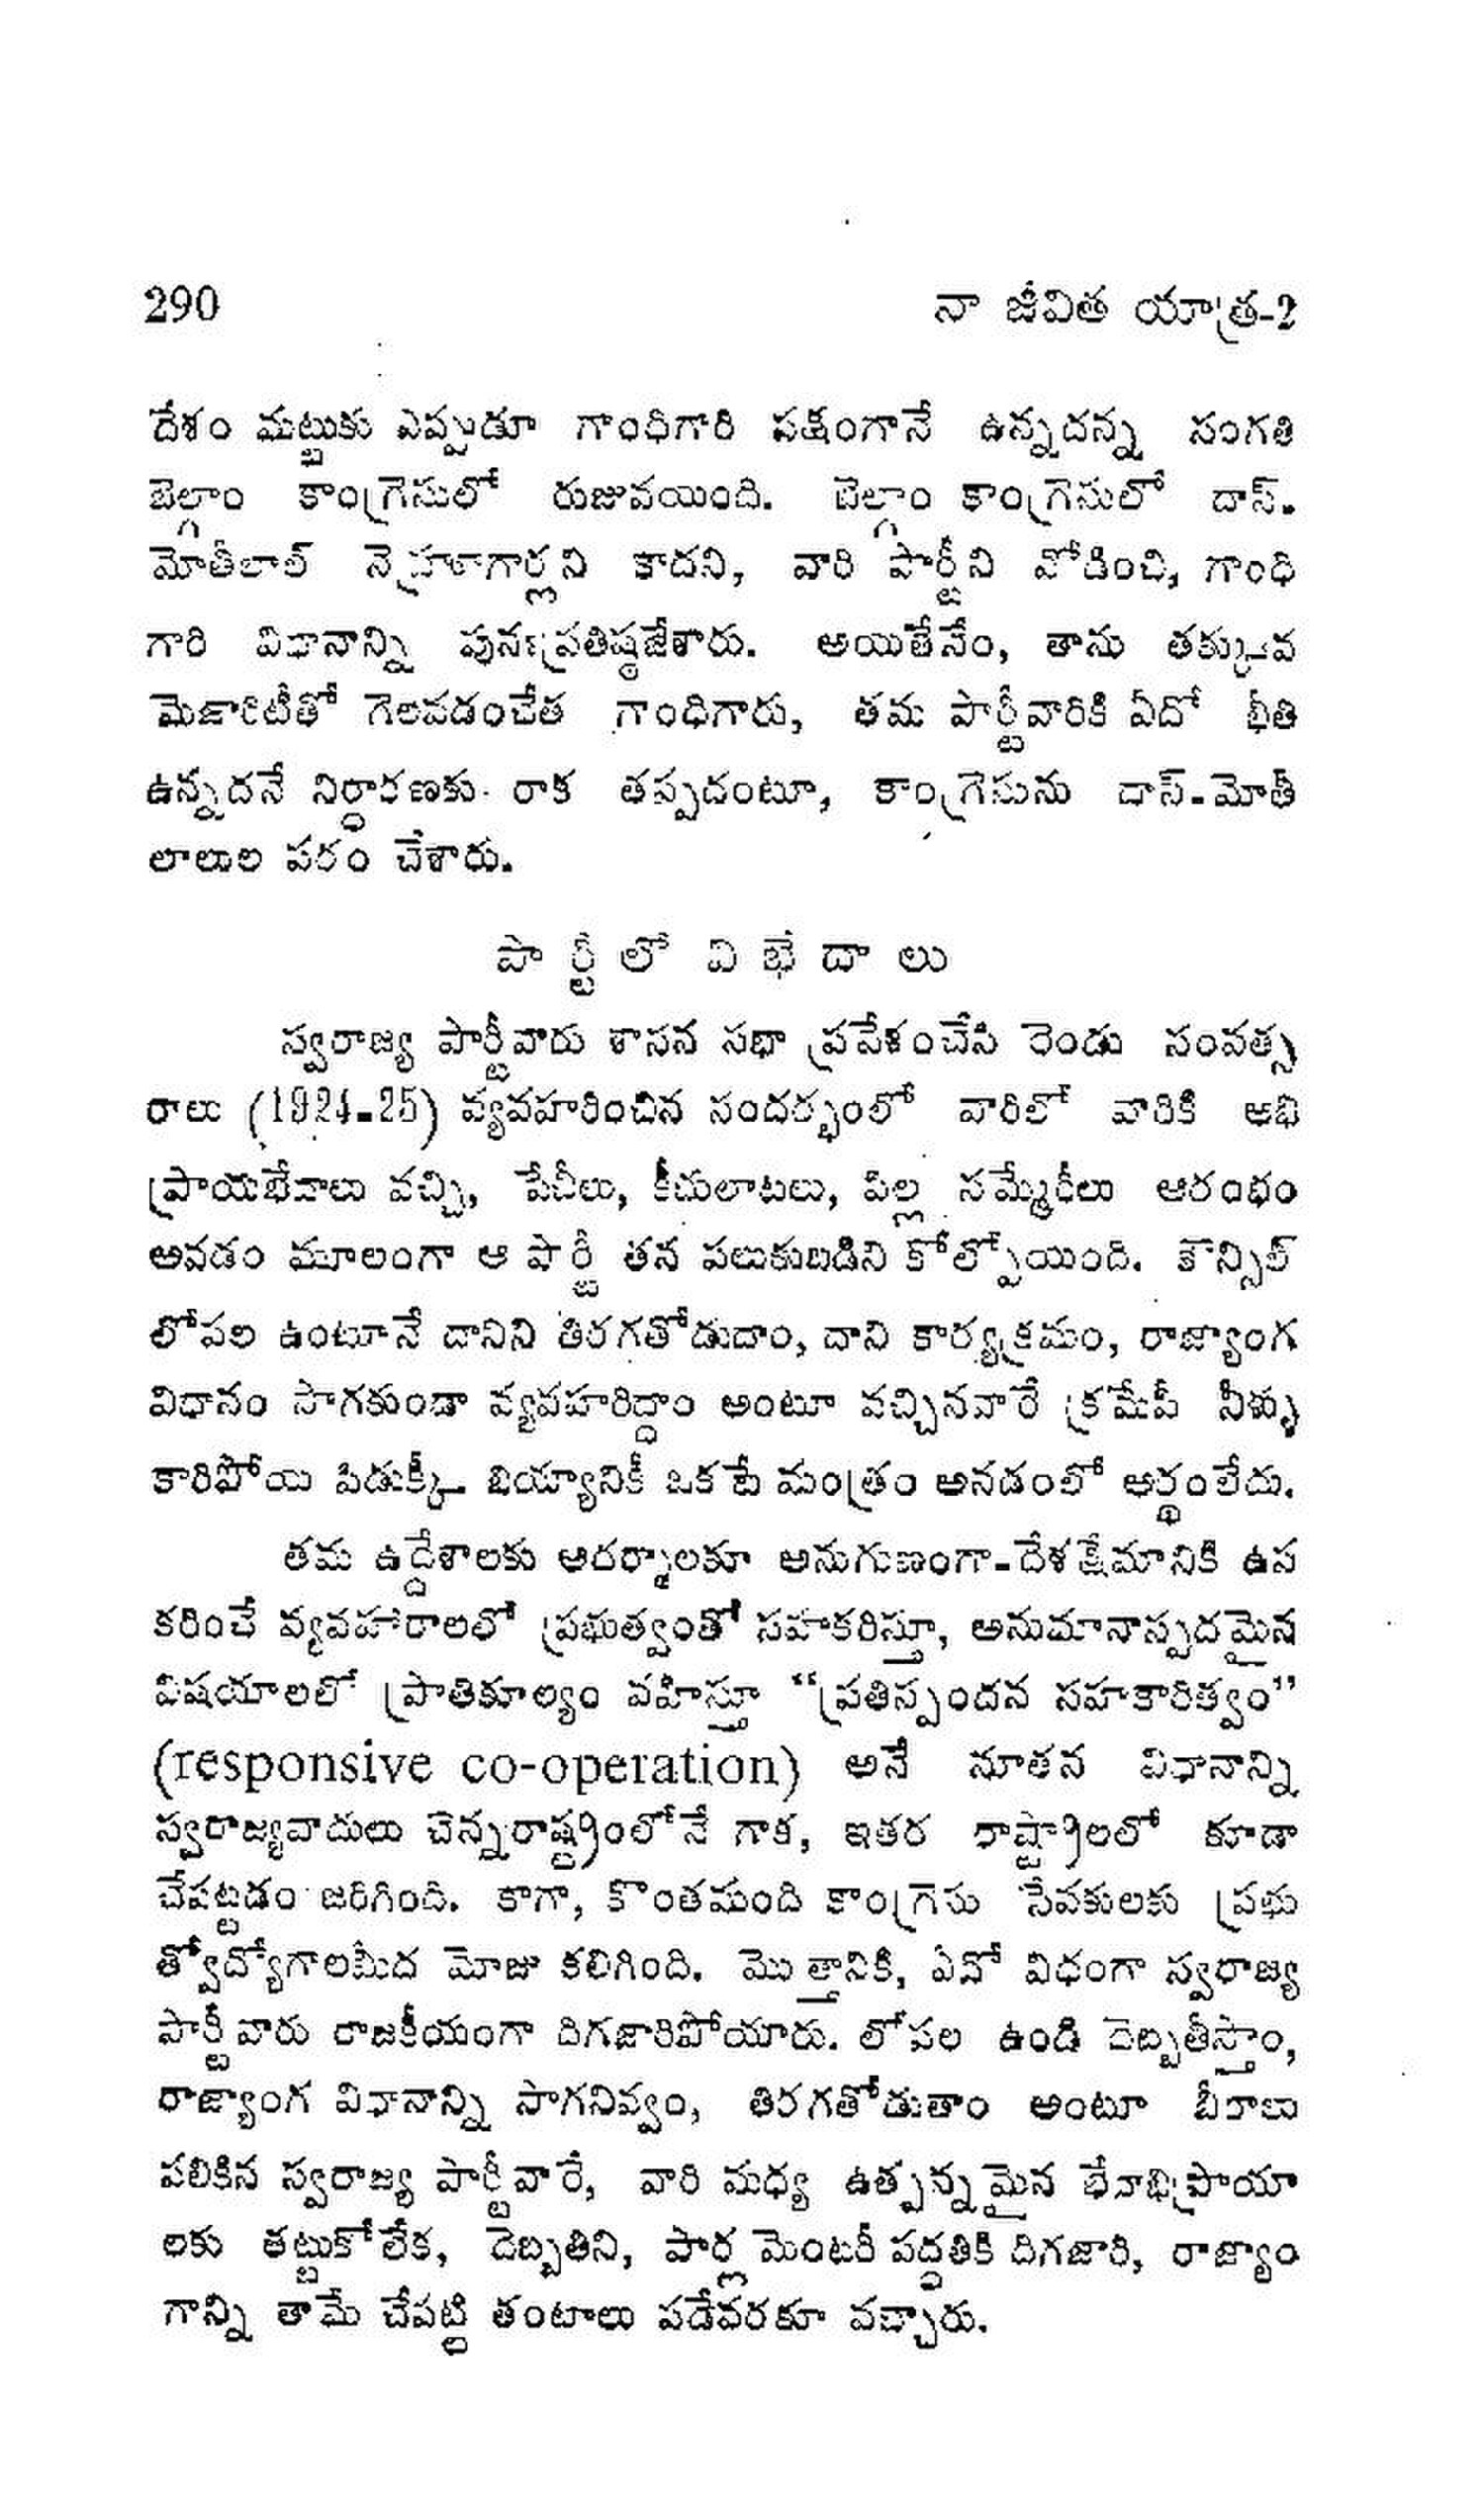దేశం మట్టుకు ఎప్పుడూ గాంధీగారి పక్షంగానే ఉన్నదన్న సంగతి బెల్గాం కాంగ్రెసులో రుజువయింది. బెల్గాం కాంగ్రెసులో దాస్-మోతిలాల్ నెహ్రూగార్లని కాదని, వారి పార్టీని వోడించి, గాంధీగారి విధానాన్ని పున:ప్రతిష్టజేశారు. అయితేనేం, తాను తక్కువ మెజారిటీతో గెలవడంచేత గాంధీగారు, తమ పార్టీవారికి ఏదో భీతి ఉన్నదనే నిర్ధారణకు రాక తప్పదంటూ, కాంగ్రెసును దాస్-మోతిలాలుల పరం చేశారు.

స్వరాజ్య పార్టీవారు శాసన సభా ప్రవేశంచేసి రెండు సంవత్సరాలు (1924-25) వ్యవహరించిన సందర్భంలో వారిలో వారికి అబిప్రాయబేదాలు వచ్చి, పేచీలు, కీచులాటలు, పిల్ల సమ్మేరీలు ఆరంభం అవడం మూలంగా ఆ పార్టీ తన పలుకుబడిని కోల్పోయింది. కౌన్సిల్ లోపల ఉంటూనే దానిని తిరగతోడుదాం, దాని కార్యక్రమం, రాజ్యాంగ విధానం సాగకుండా వ్యవహరిద్దాం అంటూ వచ్చినవారే క్రమేపీ నీళ్ళు కారిపోయి పిడుక్కీ బియ్యానికీ ఒకటే మంత్రం అనడంలో అర్థంలేదు.

తమ ఉద్దేశాలకు ఆదర్శాలకూ, అనుగుణంగా దేశక్షేమానికి ఉపకరించే వ్యవహారాలలో ప్రభుత్వంతో సహకరిస్తూ, అనుమానస్పదమైన విషయాలలో ప్రాతికూల్యం వహిస్తూ "ప్రతిస్పందన సహకారిత్వం" (Responsive co-operation) అనే నూతన విధానాన్ని స్వరాజ్యవాదులు చెన్నరాష్ట్రాంలోనే గాక, ఇతర రాష్ట్రాలలో కూడా చేపట్టడం జరిగింది. కాగా, కొంతమంది కాంగ్రెసు సేవకులకు ప్రభుత్వోద్యోగాలమీద మోజు కలిగింది. మొత్తానికి, ఏదో విధంగా స్వరాజ్య పార్టీవారు రాజకీయంగా దిగజారిపోయారు. లోపల ఉండి దెబ్బతీస్తాం, రాజ్యాంగ విధానాన్ని సాగనివ్వం, తిరగతోడుతాం అంటూ బీరాలు పలికిన స్వరాజ్య పార్టీవారే, వారి మధ్య ఉత్పన్నమైన భేదాభిప్రాయాలకు తట్టుకోలేక, దెబ్బతిని, పార్లమెంటరీ పద్దతికి దిగజారి, రాజ్యాంగాన్ని తామే చేపట్టి తంటాలు పడేవరకూ వచ్చారు.